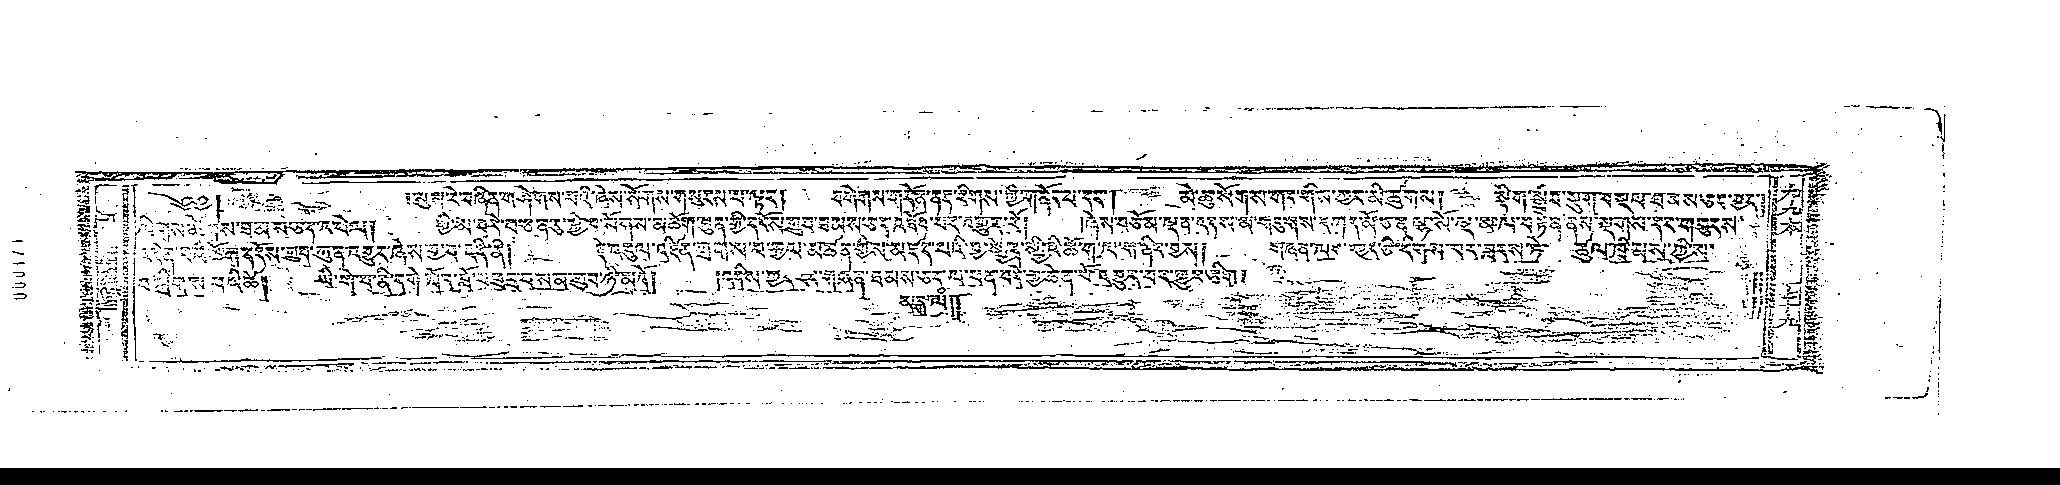༄༅། །སུས་དེ་བཞིན་གཤེགས་པའི་ཞེས་སོགས་གསུངས་པ་ལྟར། བགེགས་གདོན་ནད་རིགས་ཀྱི་གནོད་པ་དང་། མེ་ཆུ་སོགས་གང་གིས་ཀྱང་མི་ཚུགས། སྡིག་སྒྲིབ་སྡུག་བསྔལ་ཐམས་ཅད་བྱང་།
ལེགས་ཚོགས་ཐམས་ཅད་འཕེལ། ཕྱི་མ་བདེ་བ་ཅན་དུ་སྐྱེ་བ་སོགས་མཆོག་ཐུན་གྱི་དངོས་གྲུབ་ཐམས་ཅད་འཐོབ་པར་འགྱུར་རོ། །ཞེས་བཅོམ་ལྡན་འདས་མ་གདུགས་དཀར་མོ་ཅན་ལྷ་སོ་ལྔ་མ་ལ་བརྟེན་ནས་སྔགས་དང་གཟུངས་
འདོན་པའི་ཆོ་ག་དངོས་གྲུབ་ཀུན་འབྱུང་ཞེས་བྱ་བ་འདི་ནི། རྗེ་འདུལ་འཛིན་གྲགས་པ་རྒྱལ་མཚན་གྱིས་མཛད་པའི་བྱ་སྤྱོད་སྤྱིའི་ཆོ་ག་ལ་གཞིང་བྱས། གཞན་ལས་ཀྱང་ཅི་རིགས་བར་བླངས་ཏེ། ཚུལ་ཁྲིམས་ཀྱིས་
བསྒྲིགས་པའི་ཚེ། ཡི་གེ་པ་ནི་དགེ་སློང་བློ་བཟང་བསམ་གྲུབ་ཉི་མའོ། །འདིས་ཀྱང་རང་གཞན་ཐམས་ཅད་ལ་ཕན་བདེ་རྒྱ་ཆེན་པོ་འབྱུང་བར་གྱུར་ཅིག། །།